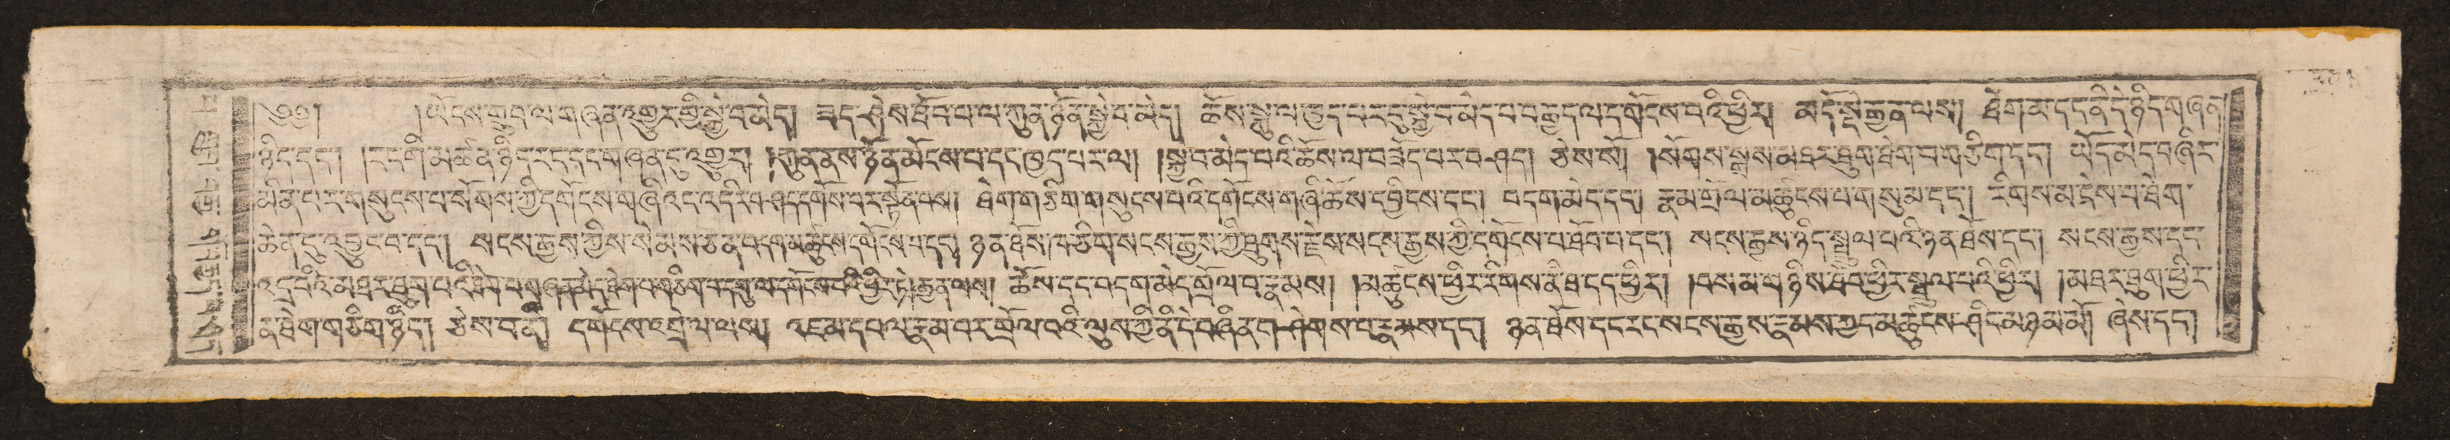༄༅། །ཡོངས་གྲུབ་ལ་གཞན་འགྱུར་གྱི་སྐྱེ་བ་མེད། ཟད་ཤེས་ཐོབ་པ་ལ་ཀུན་ཉོན་སྐྱེ་བ་མེད། ཆོས་སྐུ་ལ་ཁྱད་པར་དུ་སྐྱེ་བ་མེད་པ་བརྒྱད་ལ་དགོངས་པའི་ཕྱིར། མདོ་སྡེ་རྒྱན་ལས། ཐོག་མ་དང་ནི་དེ་ཉིད་གཞན་
ཉིད་དང་། །རང་གི་མཚན་ཉིད་རང་དང་གཞན་དུ་འགྱུར། །ཀུན་ནས་ཉོན་མོངས་པ་དང་ཁྱད་པར་ལ། །སྐྱེ་བ་མེད་པའི་ཆོས་ལ་བཟོད་པར་བཤད། ཅེས་སོ། །སོགས་སྒྲས་མཐར་ཐུག་ཐེག་པ་གཅིག་དང་། ཡོད་མེད་བཞིར་
མིན་པར་གསུངས་པ་སོགས་ཀྱི་དགོངས་གཞིའང་འདིར་བཤད་དགོས་པར་སྟོན་པས། ཐེག་གཅིག་གསུངས་པའི་དགོངས་གཞི་ཆོས་དབྱིངས་དང་། བདག་མེད་དང་། རྣམ་གྲོལ་མཚུངས་པ་གསུམ་དང་། རིགས་མ་ངེས་པ་ཟེག་
ཆེན་དུ་འབྱུང་བ་དང་། སངས་རྒྱས་ཀྱིས་སེམས་ཅན་བདག་མཚུངས་དགོངས་པ་དང་། ཉན་ཐོས་ཁ་ཅིག་སངས་རྒྱས་ཀྱི་ཐུགས་རྗེས་སངས་རྒྱས་ཀྱི་དགོངས་པ་ཐོབ་པ་དང་། སངས་རྒྱས་ཉིད་སྤྲུལ་པའི་ཉན་ཐོས་དང་། སངས་རྒྱས་དང་
འདྲ་བའི་མཐར་ཐུག་པའི་ཐེག་པ་གཞན་མེད་ཐེག་པ་གཅིག་པ་དགུ་ལ་དགོངས་པའི་ཕྱིར་ཏེ། རྒྱན་ལས། ཆོས་དང་བདག་མེད་གྲོལ་བ་རྣམས། །མཚུངས་ཕྱིར་རིགས་ནི་ཐ་དད་ཕྱིར། །བསམ་གཉིས་ཐབ་ཕྱིར་སྤྲུལ་པའི་ཕྱིར། །མཐར་ཐུག་ཕྱིར་
ན་ཐེག་གཅིག་ཉིད། ཅེས་པ་ནི། དགོངས་འགྲེལ་ལས། འཇམ་དཔལ་རྣམ་པར་གྲོལ་བའི་ལུས་ཀྱི་ནི་དེ་བཞིན་གཤེགས་པ་རྣམས་དང་། ཉན་ཐོས་དང་རང་སངས་རྒྱས་རྣམས་ཀྱང་མཚུངས་ཤིང་མཉམ་མོ། ཞེས་དང་